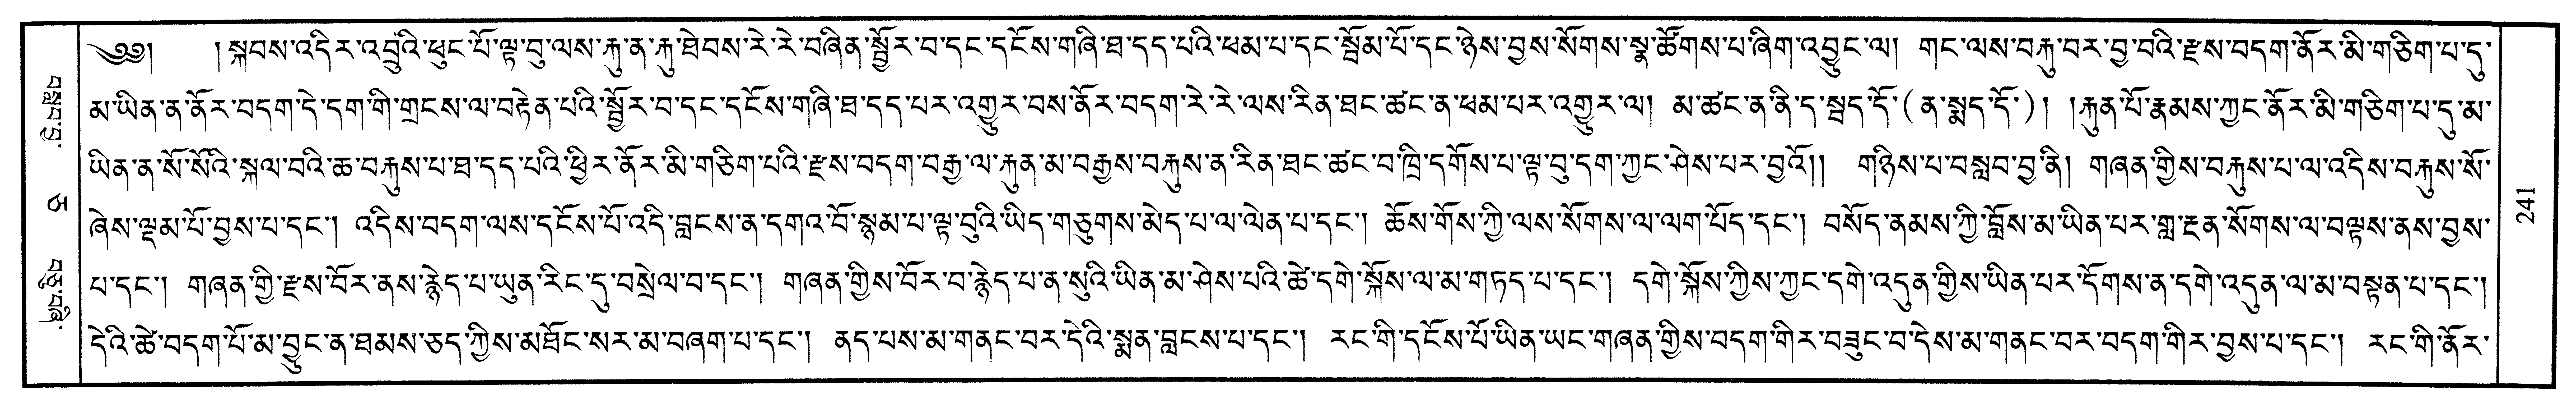༄༅། །སྐབས་འདིར་འབྲུའི་ཕུང་པོ་ལྟ་བུ་ལས་རྐུ་ན་རྐུ་ཐེབས་རེ་རེ་བཞིན་སྦྱོར་བ་དང་དངོས་གཞི་ཐ་དད་པའི་ཕམ་པ་དང་སྦོམ་པོ་དང་ཉེས་བྱས་སོགས་སྣ་ཚོགས་པ་ཞིག་འབྱུང་ལ། གང་ལས་བརྐུ་བར་བྱ་བའི་རྫས་བདག་ནོར་མི་གཅིག་པ་དུ་
མ་ཡིན་ན་ནོར་བདག་དེ་དག་གི་གྲངས་ལ་བརྟེན་པའི་སྦྱོར་བ་དང་དངོས་གཞི་ཐ་དད་པར་འགྱུར་བས་ནོར་བདག་རེ་རེ་ལས་རིན་ཐང་ཚང་ན་ཕམ་པར་འགྱུར་ལ། མ་ཚང་ན་ནི་ད་སྦད་དོ་ན་སྨད་དོ། །རྐུན་པོ་རྣམས་ཀྱང་ནོར་མི་གཅིག་པ་དུ་མ་
ཡིན་ན་སོ་སོའི་སྐལ་བའི་ཆ་བརྐུས་པ་ཐ་དད་པའི་ཕྱིར་ནོར་མི་གཅིག་པའི་རྫས་བདག་བརྒྱ་ལ་རྐུན་མ་བརྒྱས་བརྐུས་ན་རིན་ཐང་ཚང་བ་ཁྲི་དགོས་པ་ལྟ་བུ་དག་ཀྱང་ཤེས་པར་བྱའོ།། གཉིས་པ་བསླབ་བྱ་ནི། གཞན་གྱིས་བརྐུས་པ་ལ་འདིས་བརྐུས་སོ་
ཞེས་ལྡམ་པོ་བྱས་པ་དང་། འདིས་བདག་ལས་དངོས་པོ་འདི་བླངས་ན་དགའ་བོ་སྙམ་པ་ལྟ་བུའི་ཡིད་གཅུགས་མེད་པ་ལ་ལེན་པ་དང་། ཆོས་གོས་ཀྱི་ལས་སོགས་ལ་ལག་པོད་དང་། བསོད་ནམས་ཀྱི་བློས་མ་ཡིན་པར་གླ་རྔན་སོགས་ལ་བལྟས་ནས་བྱས་
པ་དང་། གཞན་གྱི་རྫས་བོར་ནས་རྙེད་པ་ཡུན་རིང་དུ་བསྲེལ་བ་དང་། གཞན་གྱིས་བོར་བ་རྙེད་པ་ན་སུའི་ཡིན་མ་ཤེས་པའི་ཚེ་དགེ་སྐོས་ལ་མ་གཏད་པ་དང་། དགེ་སྐོས་ཀྱིས་ཀྱང་དགེ་འདུན་གྱིས་ཡིན་པར་དོགས་ན་དགེ་འདུན་ལ་མ་བསྟན་པ་དང་།
དེའི་ཚེ་བདག་པོ་མ་བྱུང་ན་ཐམས་ཅད་ཀྱིས་མཐོང་སར་མ་བཞག་པ་དང་། ནད་པས་མ་གནང་བར་དེའི་སྨན་བླངས་པ་དང་། རང་གི་དངོས་པོ་ཡིན་ཡང་གཞན་གྱིས་བདག་གིར་བཟུང་བ་དེས་མ་གནང་བར་བདག་གིར་བྱས་པ་དང་། རང་གི་ནོར་